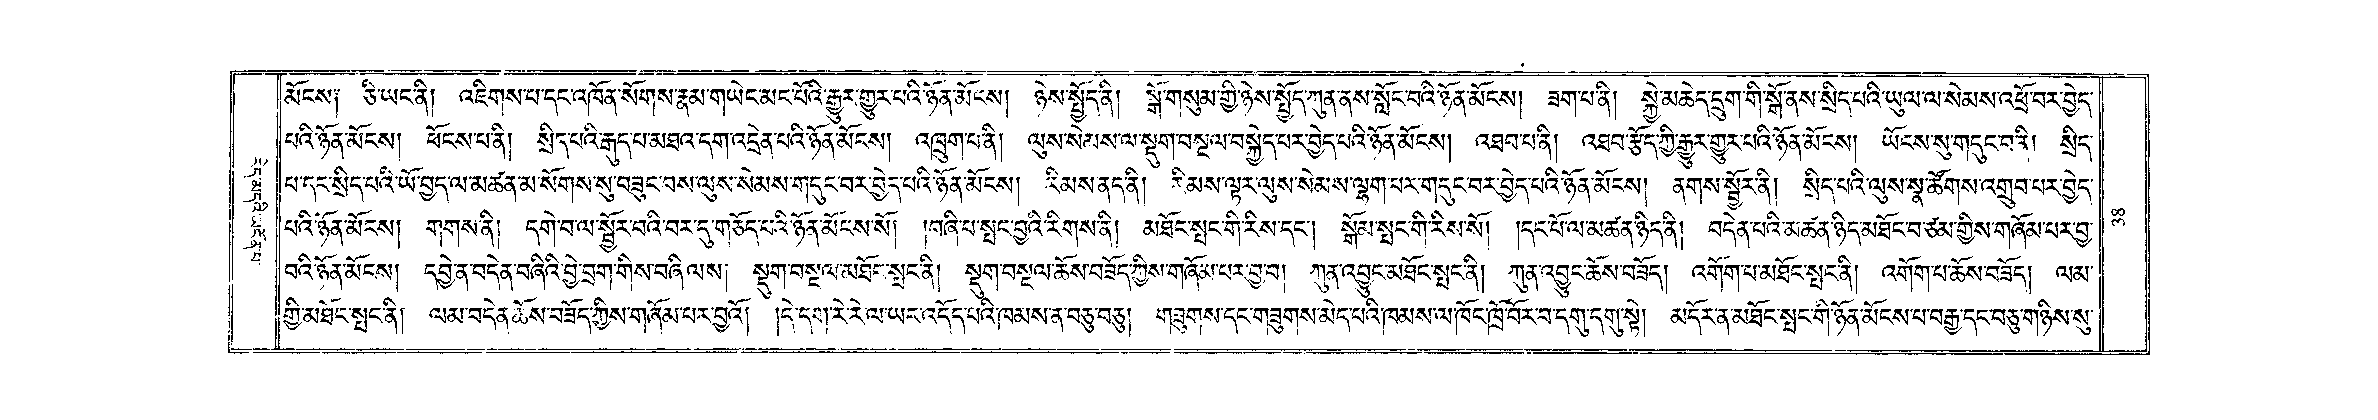མོངས༑ ཅི་ཡང་ནི། འཇིགས་པ་དང་འཁོན་སོགས་རྣམ་གཡེང་མང་པོའི་རྒྱུར་གྱུར་པའི་ཉོན་མོངས། ཉེས་སྤྱོད་ནི། སྒོ་གསུམ་གྱི་ཉེས་སྤྱོད་ཀུན་ནས་སློང་བའི་ཉོན་མོངས། ཟག་པ་ནི། སྐྱེ་མཆེད་དྲུག་གི་སྒོ་ནས་སྲིད་པའི་ཡུལ་ལ་སེམས་འཕྲོ་བར་བྱེད་
པའི་ཉོན་མོངས། ཕོངས་པ་ནི། སྲིད་པའི་རྒུད་པ་མཐའ་དག་འདྲེན་པའི་ཉོན་མོངས། འཁྲུག་པ་ནི། ལུས་སེམས་ལ་སྡུག་བསྔལ་བསྐྱེད་པར་བྱེད་པའི་ཉོན་མོངས། འཐབ་པ་ནི། འཐབ་རྩོད་ཀྱི་རྒྱུར་གྱུར་པའི་ཉོན་མོངས། ཡོངས་སུ་གདུང་བའི། སྲིད་
པ་དང་སྲིད་པའི་ཡོ་བྱད་ལ་མཚན་མ་སོགས་སུ་བཟུང་བས་ལུས་སེམས་གདུང་བར་བྱེད་པའི་ཉོན་མོངས། རིམས་ནད་ནི། རིམས་ལྟར་ལུས་སེམས་ལྷག་པར་གདུང་བར་བྱེད་པའི་ཉོན་མོངས། ནགས་སྦྱོར་ནི། སྲིད་པའི་ལུས་སྣ་ཚོགས་འགྲུབ་པར་བྱེད་
པའི་ཉོན་མོངས། གགས་ནི། དགེ་བ་ལ་སྦྱོར་བའི་བར་དུ་གཅོད་པའི་ཉོན་མོངས་སོ། །བཞི་པ་སྤང་བྱའི་རིགས་ནི། མཐོང་སྤང་གི་རིས་དང་། སྒོམ་སྤང་གི་རིས་སོ། །དང་པོ་ལ་མཚན་ཉིད་ནི། བདེན་པའི་མཚན་ཉིད་མཐོང་བ་ཙམ་གྱིས་གཞོམ་པར་བྱ་
བའི་ཉོན་མོངས། དབྱེ་ན་བདེན་བཞིའི་བྱེ་བྲག་གིས་བཞི་ལས། སྡུག་བསྔལ་མཐོང་སྤང་ནི། སྡུག་བསྔལ་ཆོས་བཟོད་ཀྱིས་གཞོམ་པར་བྱ་བ། ཀུན་འབྱུང་མཐོང་སྤང་ནི། ཀུན་འབྱུང་ཆོས་བཟོད། འགོག་པ་མཐོང་སྤང་ནི། འགོག་པ་ཆོས་བཟོད། ལམ་
གྱི་མཐོང་སྤང་ནི། ལམ་བདེན་ཆོས་བཟོད་ཀྱིས་གཞོམ་པར་བྱའོ། །དེ་དག་རེ་རེ་ལ་ཡང་འདོད་པའི་ཁམས་ན་བཅུ་བཅུ། གཟུགས་དང་གཟུགས་མེད་པའི་ཁམས་ལ་ཁོང་ཁྲོ་བོར་བ་དགུ་དགུ་སྟེ། མདོར་ན་མཐོང་སྤང་གི་ཉོན་མོངས་པ་བརྒྱ་དང་བཅུ་གཉིས་སུ་